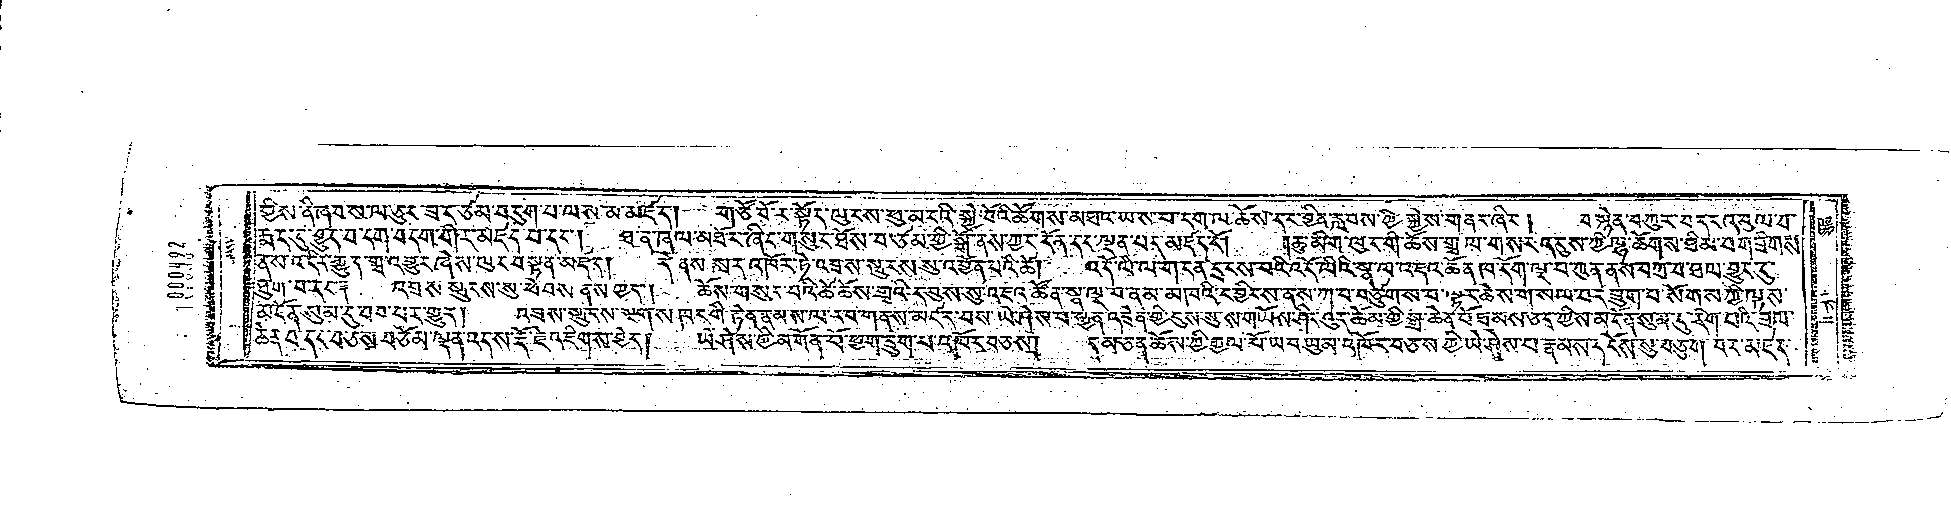གྱིས་ནི་ཞབས་ལ་ཅུང་ཟད་ཙམ་བདུག་པ་ལས་མ་མཛད། གཙོ་བོ་ར་སྟོང་ལུགས་ཕུ་མངའ་སྐྱེ་བོའི་ཚོགས་མཐའ་ཡས་པ་དག་ལ་ཚེས་དང་བྱིན་རླབས་ཀྱི་སྐྱེས་གནང་ཞིང་། བསྙེན་བཀུར་བ་དང་འབུལ་བ་
རྨང་དུ་བྱུང་བ་དག་བདག་གིར་མཛད་པ་དང་། ཐ་ན་ཞལ་མཐོང་ཞིང་གསུང་ཐོས་བ་ཙམ་གྱི་སྒོ་ནས་ཀྱང་དོན་དང་ལྡན་པར་མཛད་ངོ། །ཆུ་མིག་ལུང་གི་ཆོས་གྲྭ་ལ་གསང་འདུས་ཀྱི་ལྷ་ཚོགས་ཐིམ་པ་གཟིགས་
ནས་འདིར་རྒྱུད་གྲྭ་འབྱུང་ཞེས་ལུང་བསྟན་མཛད། དེ་ནས་སླར་འཁོར་ཏེ་འབྲས་སྤུངས་སུ་འབྱོན་པའི་ཚེ། འདོ་ལི་ལ་གདན་དྲངས་པའི་འོད་ལིའི་སྣ་ལ་འཇའ་ཚོན་ཁ་དོག་ལྔ་པ་ཀུན་ནས་བཀྲ་བ་ཐལ་བྱུང་དུ་
ཐུག་པ་དང༑ འབྲས་སྤུངས་སུ་ཕེབས་ནས་ཀྱང་། ཆོས་གསུང་པའི་ཚེ་ཆོས་གྲྭའི་དབུས་སུ་འཇའ་ཚོན་སྣ་ལྔ་པ་ནམ་མཁའི་དབྱིངས་ནས་ཀ་པ་བཙུགས་པ་ལྟར་ཆེས་གསལ་བར་ཟུག་པ་སོགས་ཀྱི་ལྟས་
མངོན་སུམ་དུ་བབ་པར་གྱུར། འབྲས་སྤུངས་སྔགས་ཁང་གི་རྟེན་རྣམས་ལ་རབ་གནས་མཛད་པས་ཡེ་ཤེས་པ་སྤྱན་འདྲེན་གྱི་དུས་སུ་ས་གཡོས་ཤིང་འུར་ཆོམ་གྱི་སྒྲ་ཆེན་པོ་ཐམས་ཅད་ཀྱིས་མངོན་སུམ་དུ་རིག་པའི་ཟལ་
ཆེན་བ་དང་བཅས་བཅོམ་ལྡན་འདས་རྡོ་རྗེ་འཇིགས་བྱེད། ཡེ་ཤེས་ཀྱི་མགོན་པོ་ཕྱག་དྲུག་པ་འཁོར་བཅས། དམ་ཅན་ཆོས་ཀྱི་རྒྱལ་པོ་ཡབ་ཡུམ་འཁོར་བཅས་ཀྱི་ཡེ་ཤེས་པ་རྣམས་དངོས་སུ་བཅུག་པར་མཛད་